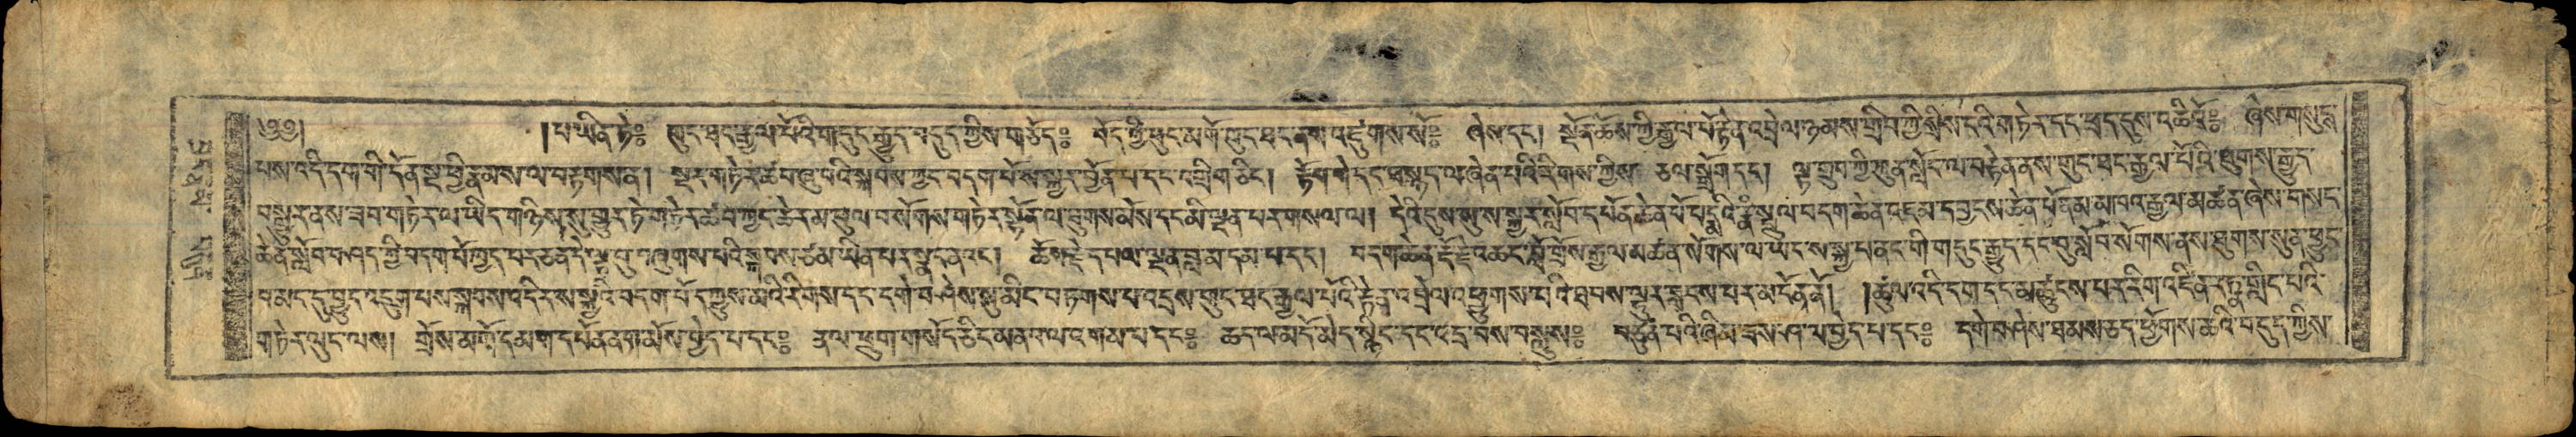༄༅། །པ་ཡིན་ཏེཿ་གུང་ཐང་རྒྱལ་པོའི་གདུང་རྒྱུད་བདུད་ཀྱིས་གཅོདཿ་བོད་ཀྱི་བུང་མགོ་གུང་ཐང་ནས་འཛུགས་སོཿ་ཞེས་དང་། སྔོན་ཆོས་ཀྱི་རྒྱལ་པོ་རྟེན་འབྲེལ་ཉམས་གྲིབ་ཀྱི་སིས་?་གཏེར་དང་ཕྲད་དུས་འཆིའོཿ་ཞེས་གསུངས་
པས་འདི་དག་གི་དོན་སྔ་ཕྱི་རྣམས་ལ་བརྟགས་ན། སྔར་གཏེར་ཚབ་ཞུ་བའི་སྐབས་ཀྱང་བདག་པོ་ས་སྐྱར་བྱོན་པ་དང་འགྲིག་ཅིང་། རྟོག་གེ་དང་ཐ་སྙད་ལ་ཞེན་པའི་རིགས་ཀྱིས་ཅལ་སྒྲོག་དང་། ལྟ་གྲུབ་ཀྱི་ཀུན་སློང་ལ་བརྟེན་ནས་གུང་ཐང་རྒྱལ་པོའི་ཐུགས་རྒྱུད་
བསྒྱུར་ནས་ཟབ་གཏེར་ལ་ཡིད་གཉིས་སུ་གྱུར་ཏེ་གཏེར་ཚབ་ཀྱང་ཆེར་མ་ཕུལ་བ་སོགས་གཏེར་སྟོན་ལ་ཐུགས་མོས་དང་མི་ལྡན་པར་གསལ་ལ། དེའི་དུས་སུ་ས་སྐྱར་སློབ་དཔོན་ཆེན་པོ་པདམའི་རྣཾ་སྤྲུལ་བདག་ཆེན་འཇམ་དབྱངས་ཆེན་པོ་ནམ་མཁའ་རྒྱལ་མཚན་ཞེས་གསང་
ཆེན་སློབ་བཤད་ཀྱི་བདག་པོ་ཁྱད་པར་ཅན་དེ་ལྟ་བུ་བཞུགས་པའི་སྐབས་ཙམ་ཡིན་པར་སྣང་ནའང་། ཆོས་རྗེ་དཔལ་ལྡན་བླ་མ་དམ་པ་དང་། བདག་ཆེན་རྡོ་རྗེ་འཆང་བློ་གྲོས་རྒྱལ་མཚན་སོགས་ལ་ཡང་ས་སྐྱ་པ་ནང་ག་གདུང་རྒྱུད་དང་བུ་སློབ་སོགས་ནས་ཐུགས་སུན་བྱུང་
མ་མང་དུ་བྱུང་འདུག་པས་སྐབས་འདིར་ས་སྐྱའི་བདག་པོ་དཀྱུས་མའི་རིགས་དང་དགེ་བཤེས་སུ་མིང་བཏགས་པ་འདྲས་གུང་ཐང་རྒྱལ་པོའི་རྟེན་འབྲེལ་འཕྱུགས་པའི་ཐབས་ལྷུར་བླངས་པར་མངོན་ནོ། །ཚུལ་འདི་དག་ངང་མཚུངས་པར་རིག་འཛིན་རཏྣ་གླིང་པའི་
གཏེར་ལུང་ལ།། གྲོས་མགོ་དམག་དཔོན་ནག་མོས་ཁྱེད་པ་དངཿ་ནལ་གྲུག་གསོད་ཅིང་མནའ་ལ་འགམ་པ་དངཿ་ཆད་ལ་མདོ་མེད་སྙེང་དང་འདྲ་བས་བསླུསཿ་བཙུན་པའི་ཞིམ་ཟས་ཤ་ལ་བྱེད་པ་དངཿ་དགེ་བཤེས་ཐམས་ཅད་ཕྱོགས་ཆའི་བདུད་ཀྱིས་